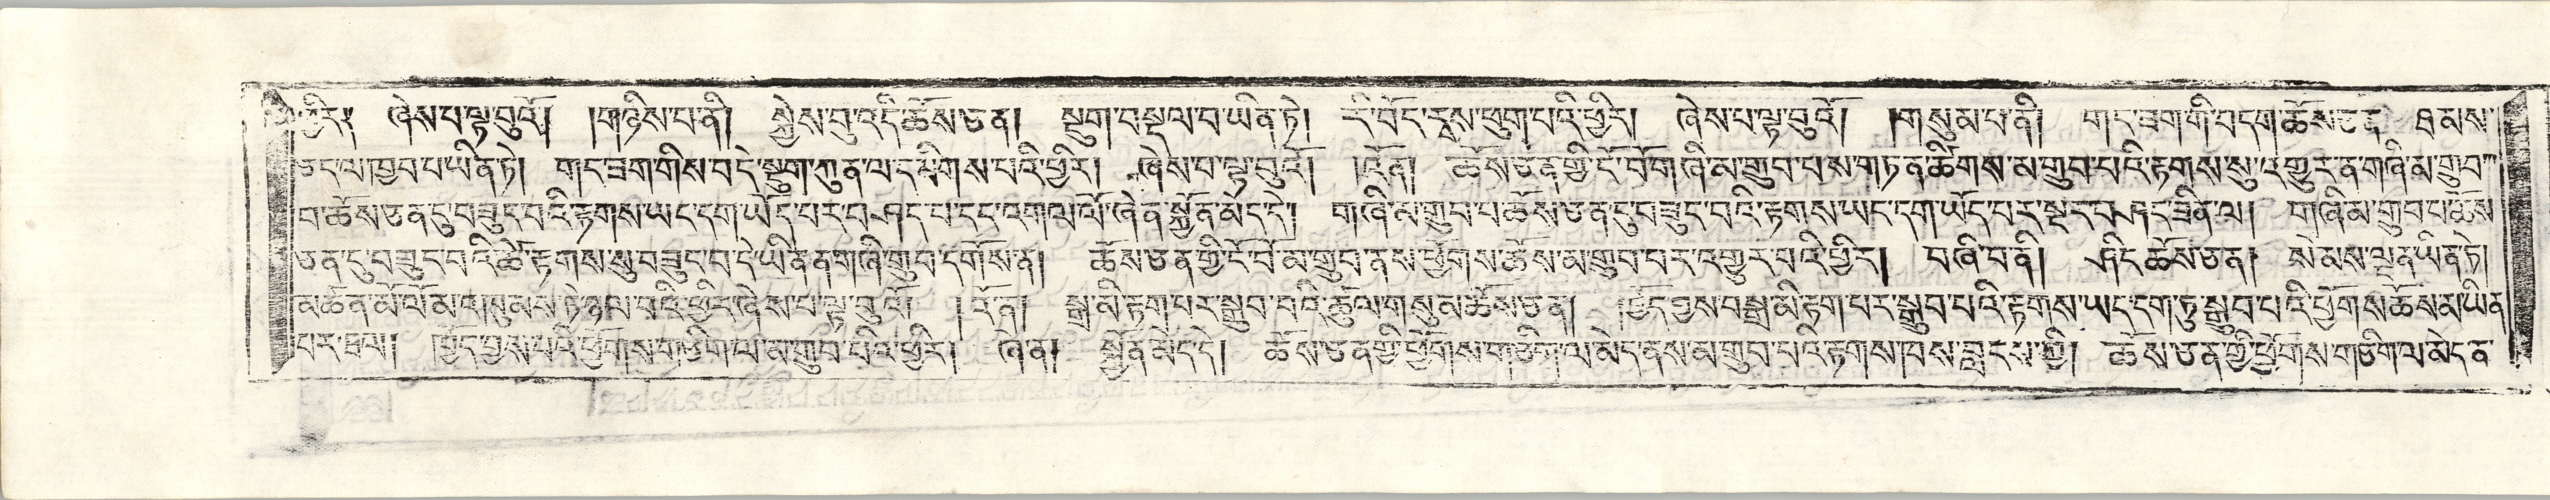ཕྱིར། ཞེས་པ་ལྟ་བུའོ། །གཉིས་པ་ནི། སྐྱེས་བུ་འདི་ཆོས་ཅན། སྡུག་བསྔལ་བ་ཡིན་ཏེ། རི་བོང་རྭས་ཕུག་པའི་ཕྱིར། ཞེས་པ་ལྟ་བུའོ། །གསུམ་པ་ནི། གང་ཟག་གི་བདག་ཆོས་ཅན། ཐམས་ཅད་ལ་ཁྱབ་པ་ཡིན་ཏེ། གང་ཟག་གིས་བདེ་
སྡུག་ཀུན་ལ་དམིགས་པའི་ཕྱིར། ཞེས་པ་ལྟ་བུའོ། །འོ་ན། ཆོས་ཅན་གྱི་ངོ་བོ་གཞི་མ་གྲུབ་པས་གཏན་ཚིགས་མ་གྲུབ་པའི་རྟགས་སུ་འགྱུར་ན་གཞི་མ་གྲུབ་པ་ཆོས་ཅན་དུ་བཟུང་བའི་རྟགས་ཡང་དག་ཡོད་པར་བཤད་པ་དང་འགལ་ལོ་ཞེ་ན་སྐྱོན་མེད་དེ།གཞི་མ་གྲུབ་པ་ཆོས་ཅན་དུ་བཟུང་བའི་རྟགས་ཡང་དག་ཡོད་པར་སྔར་བཤད་ཟིན་ལ། གཞི་མ་གྲུབ་པ་ཆོས་ཅན་དུ་བཟུང་བའི་ཚེ་རྟགས་སུ་བཟུང་བ་དེ་ཡིན་ན་གཞི་གྲུབ་དགོས་ན། ཆོས་ཅན་གྱི་ངོ་བོ་མ་གྲུབ་ནས་ཕྱོགས་ཆོས་མ་གྲུབ་པར་འགྱུར་བའི་ཕྱིར། བཞི་བ་
ནི། ཤིང་ཆོས་ཅན། སེམས་ལྡན་ཡིན་ཏེ། མཚན་མོ་ལོ་མ་འཁུམས་ཏེ་ཉལ་བའི་ཕྱིར་ཞེས་པ་ལྟ་བུའོ། །འོ་ན། སྒྲ་མི་རྟག་པར་སྒྲུབ་པའི་ཚུལ་གསུམ་ཆོས་ཅན། ཁྱོད་བྱས་པ་སྒྲ་མི་རྟག་པར་སྒྲུབ་པའི་རྟགས་ཡང་དག་ཏུ་སྒྲུབ་པའི་ཕྱོགས་ཆོས་མ་
ཡིན་པར་ཐལ། ཁྱོད་བྱས་པའི་ཕྱོགས་གཅིག་ལ་མ་གྲུབ་པའི་ཕྱིར། ཞེ་ན། སྐྱོན་མེད་དེ། ཆོས་ཅན་གྱི་ཕྱོགས་གཅིག་ལ་མེད་ནས་མ་གྲུབ་པའི་རྟགས་ཁས་བླངས་གྱི། ཆོས་ཅན་གྱི་ཕྱོགས་གཅིག་ལ་མེད་ན་